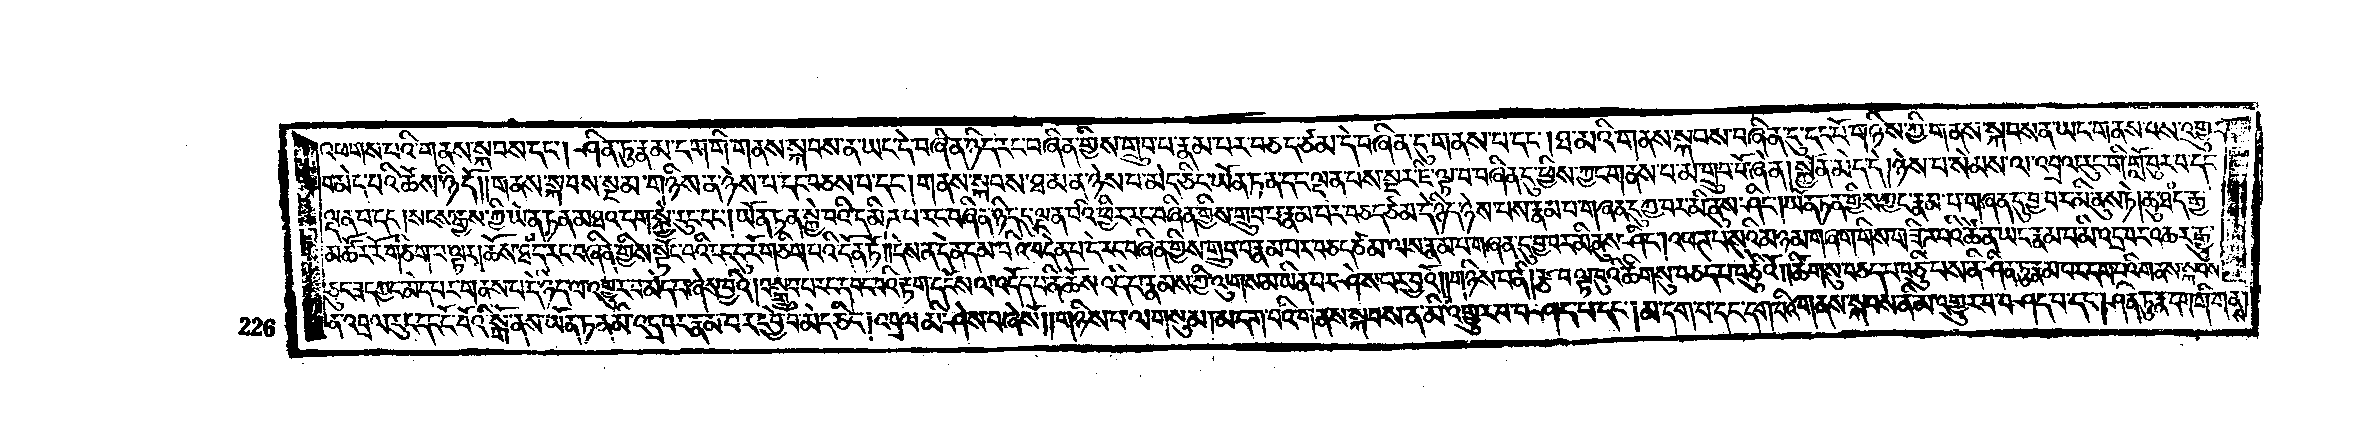འཕགས་པའི་གནས་སྐབས་དང་། ཤིན་ཏུ་རྣམ་དག་གི་གནས་སྐབས་ན་ཡང་དེ་བཞིན་ཉིད་རང་བཞིན་གྱིས་གྲུབ་པ་རྣམ་པར་བཅད་ཙམ་དེ་བཞིན་དུ་གནས་པ་དང་། ཐ་མའི་གནས་སྐབས་བཞིན་དུ་དང་པོ་གཉིས་ཀྱི་གནས་སྐབས་ན་ཡང་གནས་པས་འགྱུར་
བ་མེད་པའི་ཆོས་ཉིད་དོ། །གནས་སྐབས་སྔ་མ་གཉིས་ན་ཉེས་པ་དང་བཅས་པ་དང་། གནས་སྐབས་ཐ་མ་ན་ཉེས་པ་མེད་ཅིང་ཡོན་ཏན་དང་ལྡན་པས་སྔར་ཇི་ལྟ་བ་བཞིན་དུ་ཕྱིས་ཀྱང་གནས་པ་མ་གྲུབ་པོ་ཞེ་ན། སྐྱོན་མེད་དེ། ཉེས་པ་སེམས་ལ་འབྲལ་རུང་གི་གློ་བུར་བ་དང་
ལྡན་པ་དང་། སངས་རྒྱས་ཀྱི་ཡོན་ཏན་མཐའ་དག་སྐྱེ་རུང་དང་། ཡོན་ཏན་སྐྱེ་བའི་དམིགས་པ་རང་བཞིན་ཉིད་དུ་ལྡན་པའི་ཕྱིར་རང་བཞིན་གྱིས་གྲུབ་པ་རྣམ་པར་བཅད་ཙམ་དེ་ཉིད་ཉེས་པས་རྣམ་པ་གཞན་དུ་ཀྱི་བར་མི་ནུས་ཤིང་། ཡོན་ཏན་གྱིས་ཀྱང་རྣམ་པ་གཞན་དུ་བྱ་བར་མི་ནུས་ཏེ། ཆུ་ཐམས་ཅད་རྒྱ་
མཚོར་རོ་གཅིག་པ་ལྟར། ཆོས་ཐམས་ཅད་རང་བཞིན་གྱིས་སྟོང་བའི་དད?་དུ་རོ་གཅིག་པའི་དོན་ཏོ། །དེས་ན་དོན་དམ་པའི་བདེན་པ་དེ་རང་བཞིན་གྱིས་གྲུབ་པ་རྣམ་པར་བཅད་ཙམ་ལས་རྣམ་པ་གཞན་དུ་བྱ་བར་མི་ནུས་ཤིང་། འཕགས་པ་སུའི་མཉམ་གཞག་གིས་གཟིགས་པའི་ཚེ་ན་ཡང་རྣམ་པ་མི་འདྲ་བར་འཆར་རྒྱུ་
ཅུང་ཟད་ཀྱང་མེད་པར་གནས་པ་དེ་ཉིད་ལ་འགྱུར་བ་མེད་པ་ཞེས་བྱའི། །བསྒྲུབ་པ་རང་དབང་བའི་རྟག་དངོས་ལ་འདོད་པ་ནི་ཆོས་འདི་བ་རྣམས་ཀྱི་ལུགས་མ་ཡིན་པར་ཤེས་པར་བྱའོ། །གཉིས་པ་ནི། རྩ་བ་ལྟ་བུའི་ཚིགས་སུ་བཅད་པ་བཅུ་གཅིགO?། །ཚིགས་སུ་བཅད་པ་བཅུ་གཅིག?་པས་ནི་ཤིན་ཏུ་རྣམ་པར་དག་པའི་གནས་སྐབས་
ན་འབྲལ་རུང་དང་ངོ་བོའི་སྒོ་ནས་ཡོན་ཏན་མི་འདྲ་བར་རྣམ་པར་དབྱེ་བ་མེད་ཅིང་། འབྲལ་མི་ཤེས་པ་ཞེས་སོ། །གཉིས་པ་ལ་གསུམ། མ་དག་པའི་གནས་སྐབས་ན་མི་འགྱུར་བ་བཤད་པ་དང་། མ་དག་པ་དང་དག་པའི་གནས་སྐབས་ནི་མ་འགྱུར་བ་བཤད་པ་དང་། ཤིན་ཏུ་རྣ་དག་གི་གནས་